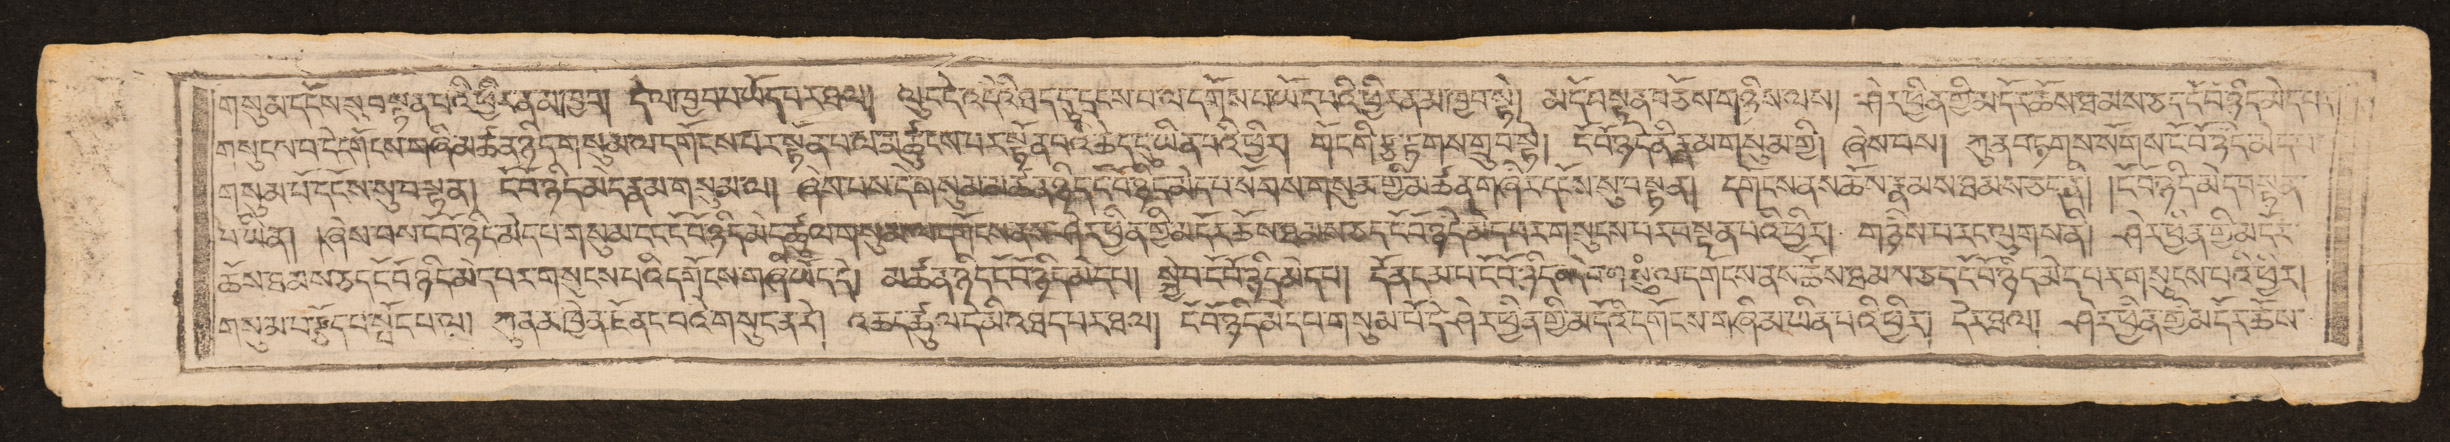གསུམ་དངོས་སུ་བསྟན་པའི་ཕྱིར་ན་མ་ཁྱབ། དེ་ལ་ཁྱབ་པ་ཡོད་པར་ཐལ། ལུང་དེ་འདིའི་ཐད་དུ་དྲངས་པ་ལ་དགོས་པ་ཡོད་པའི་ཕྱིར་ན་མ་ཁྱབ་སྟེ། མདོ་བསྟན་བཅོས་གཉིས་ལས། ཤེར་ཕྱིན་གྱི་མདོར་ཆོས་ཐམས་ཅད་ངོ་བོ་ཉིད་མེད་པར་
གསུངས་པ་དེ་དགོངས་གཞི་མཚན་ཉིད་གསུམ་ལ་དགོངས་པར་སྟོན་པ་ལ་མཚུངས་པར་སྟོན་པའི་ཆེད་དུ་ཡིན་པའི་ཕྱིར། གོང་གི་རྩ་རྟགས་གྲུབ་སྟེ། ངོ་བོ་ཉིད་ནི་རྣམ་གསུམ་གྱི། ཞེས་པས། ཀུན་བཏགས་སོགས་ངོ་བོ་ཉིད་མེད་པ་
གསུམ་པོ་དངོས་སུ་བསྟན། ངོ་བོ་ཉིད་མེད་རྣམ་གསུམ་ལ། ཞེས་པས་དེ་གསུམ་མཚན་ཉིད་ངོ་བོ་ཉིད་མེད་པ་སོགས་གསུམ་གྱི་མཚན་གཞིར་དངོས་སུ་བསྟན། དགོངས་ནས་ཆོས་རྣམས་ཐམས་ཅད་ནི། །ངོ་བོ་ཉིད་མེད་བསྟན་
པ་ཡིན། །ཞེས་པས་ངོ་བོ་ཉིད་མེད་པ་གསུམ་དང་ངོ་བོ་ཉིད་མེད་ཚུལ་གསུམ་ལ་དགོངས་ནས་ཤེར་ཕྱིན་གྱི་མདོར་ཆོས་ཐམས་ཅད་ངོ་བོ་ཉིད་མེད་པར་གསུངས་བར་བསྟན་པའི་ཕྱིར། གཉིས་པ་རང་ལུགས་ནི། ཤེར་ཕྱིན་གྱི་མདོར་
ཆོས་ཐམས་ཅད་ངོ་བོ་ཉིད་མེད་པར་གསུངས་པའི་དགོངས་གཞི་ཡོད་དེ། མཚན་ཉིད་ངོ་བོ་ཉིད་མེད་པ། སྐྱེ་བ་ངོ་བོ་ཉིད་མེད་པ། དོན་དམ་པ་ངོ་བོ་ཉིད་མེད་པ་གསུམ་ལ་དགོངས་ནས་ཆོས་ཐམས་ཅད་ངོ་བོ་ཉིད་མེད་པར་གསུངས་པའི་ཕྱིར།
གསུམ་པ་རྩོད་པ་སྤོང་པ་ལ། ཀུན་མཁྱེན་ཇོ་ནང་བའི་གསུང་ན་རེ། འཆད་ཚུལ་དེ་མི་འཐད་པར་ཐལ། ངོ་བོ་ཉིད་མེད་པ་གསུམ་པོ་དེ་ཤེར་ཕྱིན་གྱི་མདོའི་དགོངས་གཞི་མ་ཡིན་པའི་ཕྱིར། དེར་ཐལ། ཤེར་ཕྱིན་གྱི་མདོར་ཆོས་